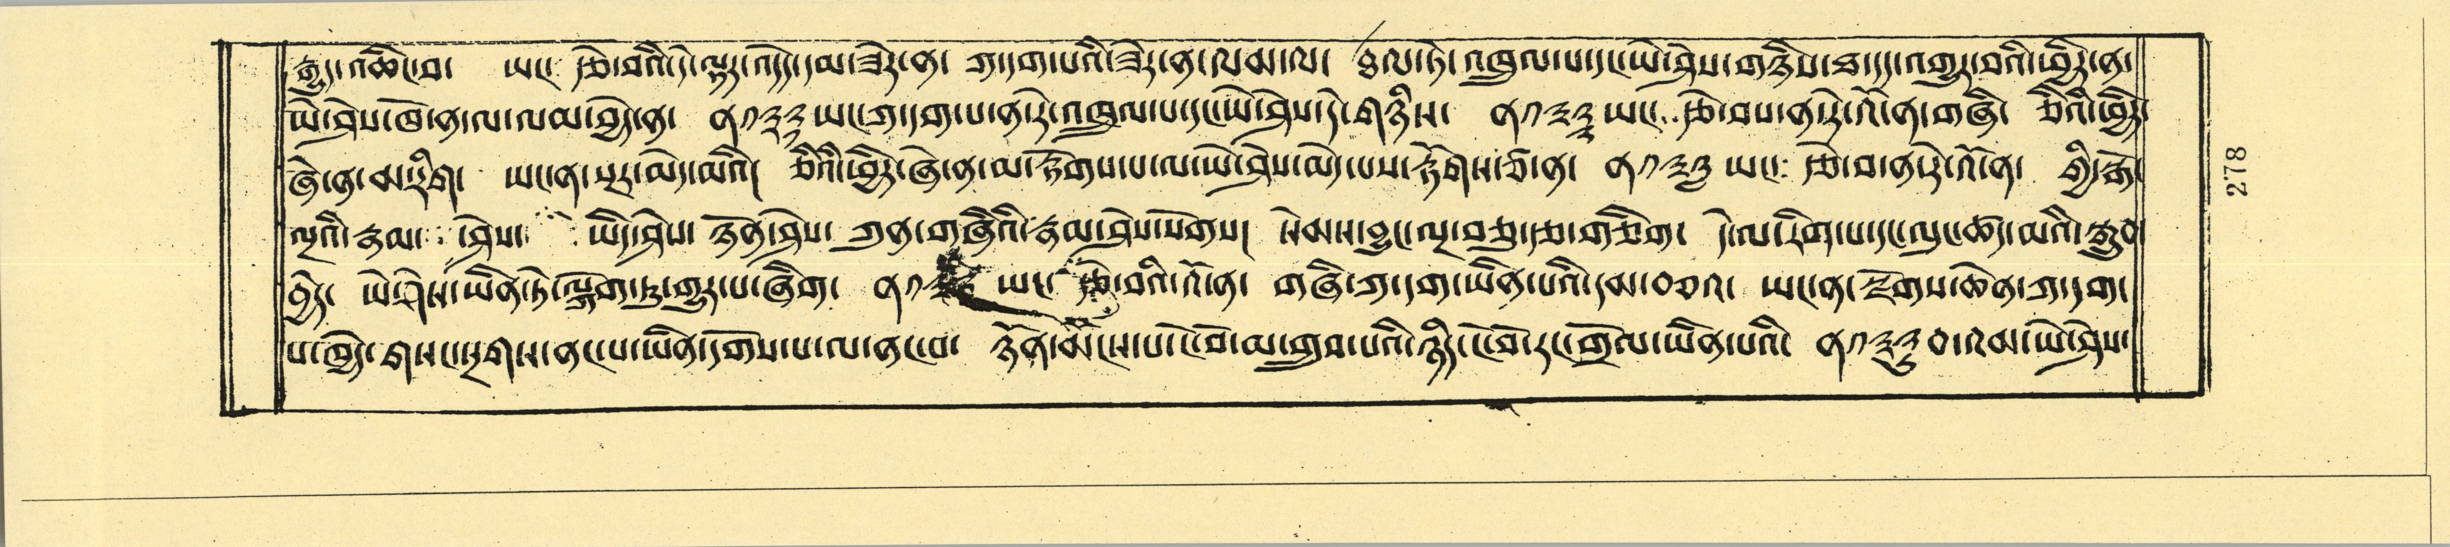རྒྱུད་འཆིང་བ། ༼ཡང་༽རྩེ་བའི་དེ་ལྟར་འདོད་དམ་ཟེར་ན། ཀ་དག་པའི་ཟེར་ན་ ༼ལམ་ལ་༽ ༼ཐལ་ཏེ་༽འཁྲུལ་པ་དང་ཡེ་ཤེས་གཉིས་ཐ་དད་འགྱུར་བའི་ཕྱིར་ན་
ཡེ་ཤེས་ཁོ་ན་ལ་ལམ་བྱེད་ན། ན༡༣༢།༡ ཡང་ཀ་དག་པ་ན་རེ་འཁྲུལ་པ་དང་ཡེ་ཤེས་ ༼དེ་གཉིས་༽ན༡༣༢།༢ ༼ཡང་༽རྩེ་བས་ན་ ༼རེ་འོ་ན་༽གཞི་ཅིའི་ཕྱིར་
ཞེ་ན་༼མ་རིག་༽ ༼ཡང་ན་༽སྔར་མེད་མའི། ཅིའི་ཕྱིར་ཞེ་ན་མ་རྟོགས་པ་ལ་ཡེ་ཤེས་མེད་པས་ ༼རྟོགས་ཙ་ན་༽ན༡༣༢།༤ ༼ཡང་༽རྩེ་བ་ན་རེ་ ༼འོ་ན་༽ ༼གྱི་༽སྒོ་
ལྔའི་རྣམ་ཤེས། ཡིད་ཤེས། ཉོན་ཤེས། ཀུན་གཞིའི་རྣམ་ཤེས་སོགས། ༼སེམས་བྱུང་༽ལྔ་བཅུ་རྩ་གཅིག དེ་ལ་རིག་པ་དང་ལུང་ཚད་མའི་ ༼སྒྲུབ་
བྱེད་༽ ༼ཡེ་ཤེས་༽ཡིན་ཏེ་ལྐོག་ཏུ་གྱུར་པ་ཞིག ན༡༣༢།༥ ༼ཡང་༽རྩེ་བའི་ ༼འོ་༽ན་གཞི་ཀ་དག་ཡིན་པའི་ ༼དམ་བཅའ༽ ༼ཡང་༽ན་སྫོགས་ཆེན་ཀ་དག་
པ་ཁྱེད་ ༼གསང་སྔགས་༽ནང་པ་ཡིན་དགོས་པ་ལ་ནང་པ། ༼ཉོན་མོངས་༽པ་ངོ་བོ་མ་གྲུབ་པའི་ཉིད་ངོ་བོ་རང་གྲོལ་ཡིན་པའི། ན༡༣༢།༦ ༼བ་འམ་༽ཡེ་ཤེས་